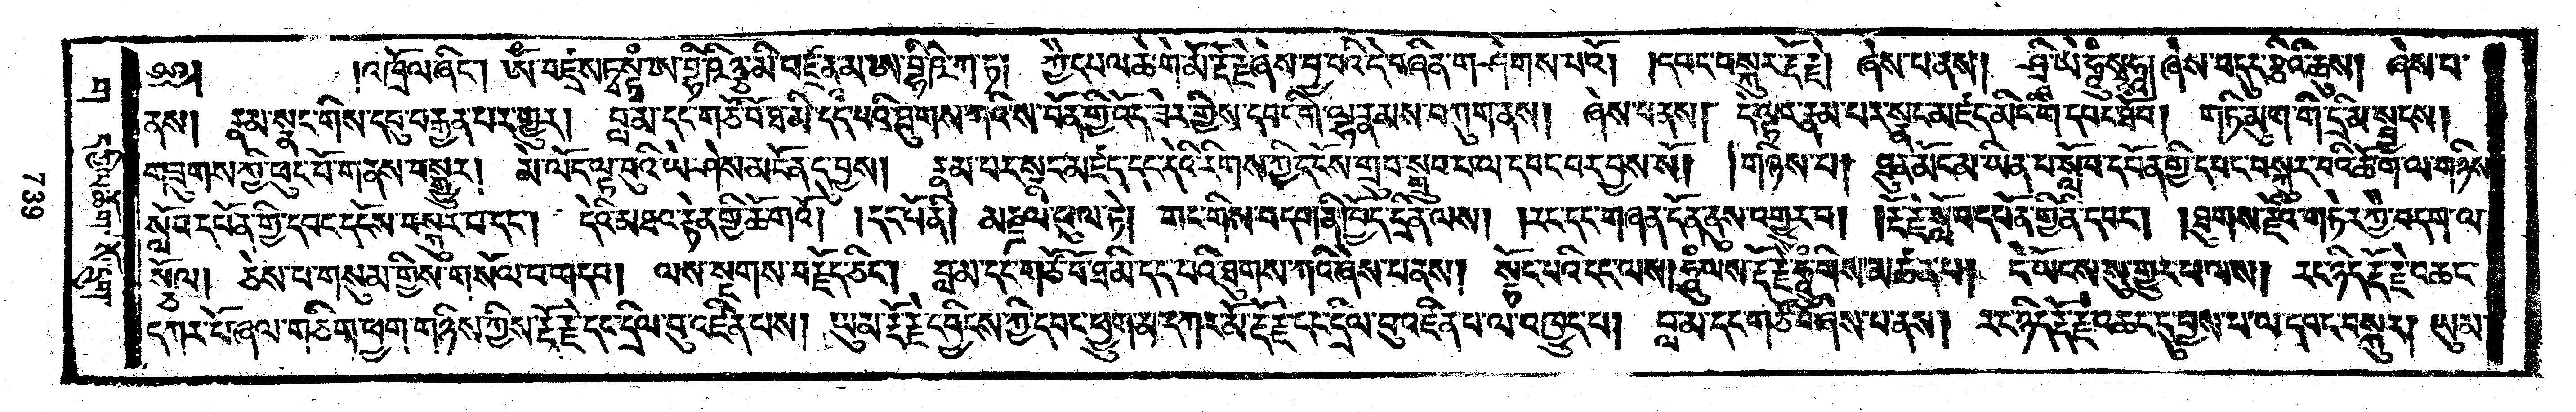༄༅། །འཁྲོལ་ཞིང་། ཨོཾ་བཛྲ་སྟྭ་སྟྭཾ་ཨ་བྷི་ཥིཉྩ་མི་བཛྲ་ནཱ་མ་ཨ་བྷི་ཥི་ཀ་ཏ། ཀྱཻ་དཔལ་ཆེ་གེ་མོ་རྡོ་རྗེ་ཞེས་བྱ་བའི་དེ་བཞིན་གཤེགས་པའོ། །དབང་བསྐུར་རྡོ་རྗེ། ཞེས་པ་ནས། ཤྲཱི་ཡེ་ཧཱུཾ་སྭཱཧཱ། ཞེས་བདུད་རྩིའི་ཆུས། ཞེས་པ་
ནས། རྣམ་སྣང་གིས་དབུ་བརྒྱན་པར་གྱུར། བླ་མ་དང་གཙོ་བོ་ཐ་མི་དད་པའི་ཐུགས་ཀའི་ས་བོན་གྱི་འོད་ཟེར་གྱིས་དབང་གི་ལྷ་རྣམས་བཀུག་ནས། ཞེས་པ་ནས། དེ་ལྟར་རྣམ་པར་སྣང་མཛད་མིང་གི་དབང་ཐོབ། གཏི་མུག་གི་དྲི་མ་སྦྱངས།
གཟུགས་ཀྱི་ཕུང་བོ་གནས་བསྒྱུར། མེ་ལོང་ལྟ་བུའི་ཡེ་ཤེས་མངོན་དུ་བྱས། རྣམ་པར་སྣང་མཛད་དང་དེའི་རིགས་ཀྱི་དངོས་གྲུབ་སྒྲུབ་པ་ལ་དབང་བར་བྱས་སོ། །གཉིས་པ། ཐུན་མོང་མ་ཡིན་པ་སློབ་དཔོན་གྱི་དབང་བསྐུར་བའི་ཆོག་ལ་གཉིས་
སློབ་དཔོན་གྱི་དབང་དངོས་བསྐུར་བ་དང་། དེའི་མཐའ་རྟེན་གྱི་ཆོ་གའོ། །དང་པོ་ནི། མཎྜལ་ཕུལ་ཏེ། གང་གིས་བདག་ནི་ཁྱོད་དྲིན་ལས། །རང་དང་གཞན་དོན་དུ་ནུས་འགྱུར་བ། །རྡོ་རྗེ་སློབ་དཔོན་གྱི་ནི་དབང་། །ཐུགས་རྗེའི་གཏེར་ཀྱཻ་བདག་ལ་
སྩོལ། ཅེས་པ་གསུམ་གྱིས་གསོལ་བ་གདབ། ལས་སྔགས་བརྗོད་ཅིང་། བླ་མ་དང་གཙོ་བོ་ཐ་མི་དད་པའི་ཐུགས་ཀའི་ཞེས་པ་ནས། སྟོང་པའི་ངང་ལས། ཧཱུཾ་ལས་རྡོ་རྗེ་ཧཱུཾ་གིས་མཚན་པ། དེ་ཡོངས་སུ་གྱུར་པ་ལས། རང་ཉིད་རྡོ་རྗེ་འཆང་
དཀར་པོ་ཞལ་གཅིག་ཕྱག་གཉིས་ཀྱིས་རྡོ་རྗེ་དང་དྲིལ་བུ་འཛིན་པས། ཡུམ་རྡོ་རྗེ་དབྱིངས་ཀྱི་དབང་ཕྱུག་མ་དཀར་མོ་རྡོ་རྗེ་དང་དྲིལ་བུ་འཛིན་པ་ལ་འཁྱུད་པ། བླ་མ་དང་གཙོ་བོ་ཞེས་པ་ནས། རང་ཉིད་རྡོ་རྗེ་འཆང་དུ་བྱས་པ་ལ་དབང་བསྐུར། ཡུམ་